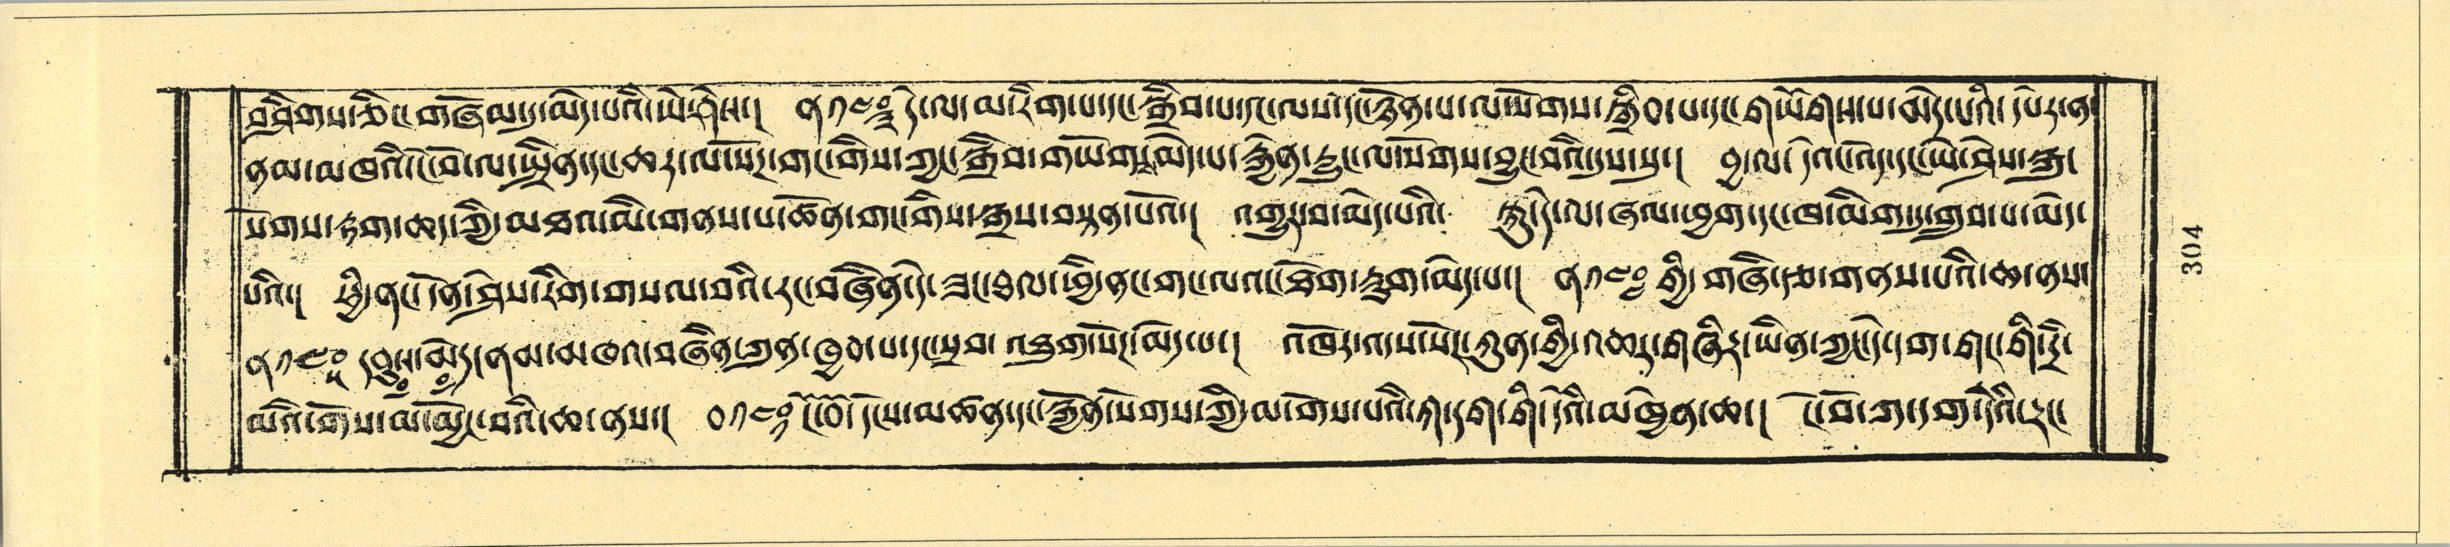བཤིགས་ཅིང་གཞོམ་དུ་མེད་པའི་ ༼ཡེ་ཤེས་༽ན༡༤༠།༣ ༼དེ་ལ་༽མ་རིག་པ་དང་སྒྲིབ་པ་དང་ལས་དང་ཉོན་པ་ལ་སོགས་ ༼སྒྲིབ་པ་༽དང་ ༼གཡོགས་༽པ་ ༼མེད་པའི་༽དཔེར་ན་
ནམ་མཁའི་ངོ་བོ་ལ་སྤྲིན་དང་ཆར་པ་སོགས་གང་གིས་ཀྱང་སྒྲིབ་གཡོགས་མེད་པ་རྐྱེན་རླུང་ལ་སོགས་བྱུང་བའི་དུས་སུ། ༼བྱ་ལ་༽དེའང་འོད་དང་ཡེ་ཤེས་སྐུ་
སོགས་རྟག་ཆད་ཀྱི་མཐའ་མི་གནས་པ་ཚོན་གང་གིས་སྒྲས་བསྟན་པའོ། འགྱུར་བ་མེད་པའི་ ༼སྐུ་དེ་ལ་༽ཞལ་ཕྱག་དང་ཁ མིག་དུ་གྲུབ་པ་མེད་
པའི། ༼ཕྱི་ནང་༽དོན་ཤེས་རིག་གསལ་བའི་རང་བཞིན་དེ་ ༼ཟང་ཐལ་༽ཕྱི་ནང་གང་ལའང་ཐོག་རྡུག་མེད་པ། ན༡༤༠།༤ ༼གྱི་༽གཞི་རྩ་གནས་པའི་ཆ་ནས་
ན༡༤༠།༥ ༼དབུས་མེད་ནམ་མཁའ་༽བཞིན་ཀུན་ ༼ཁྱབ་༽པ་དང་སྲབ་འཐུག་སོགས་མེད་པ། འཁོར་འདས་སོགས་ ༼ཀུན་གྱི་འཆར་གཞིར་༽ཡིན་ཀྱང་དེ་དག་ ༼གང་གི་དྲི་༽
མའི་གོས་མ་མྱོང་བའི་ཆ་ནས། བ༡༤༠།༡ ༼ངོ་བོ་༽དངོས་མཚན་དང་སྐྱོན་སོགས་ཀྱི་མ་གོས་པའི་ ༼ཀ་དག་གི་༽དེའི་མཁྱེན་ཆ། ངོ་བོ་ཀ་དག་དེའི་ ༼རང་༽